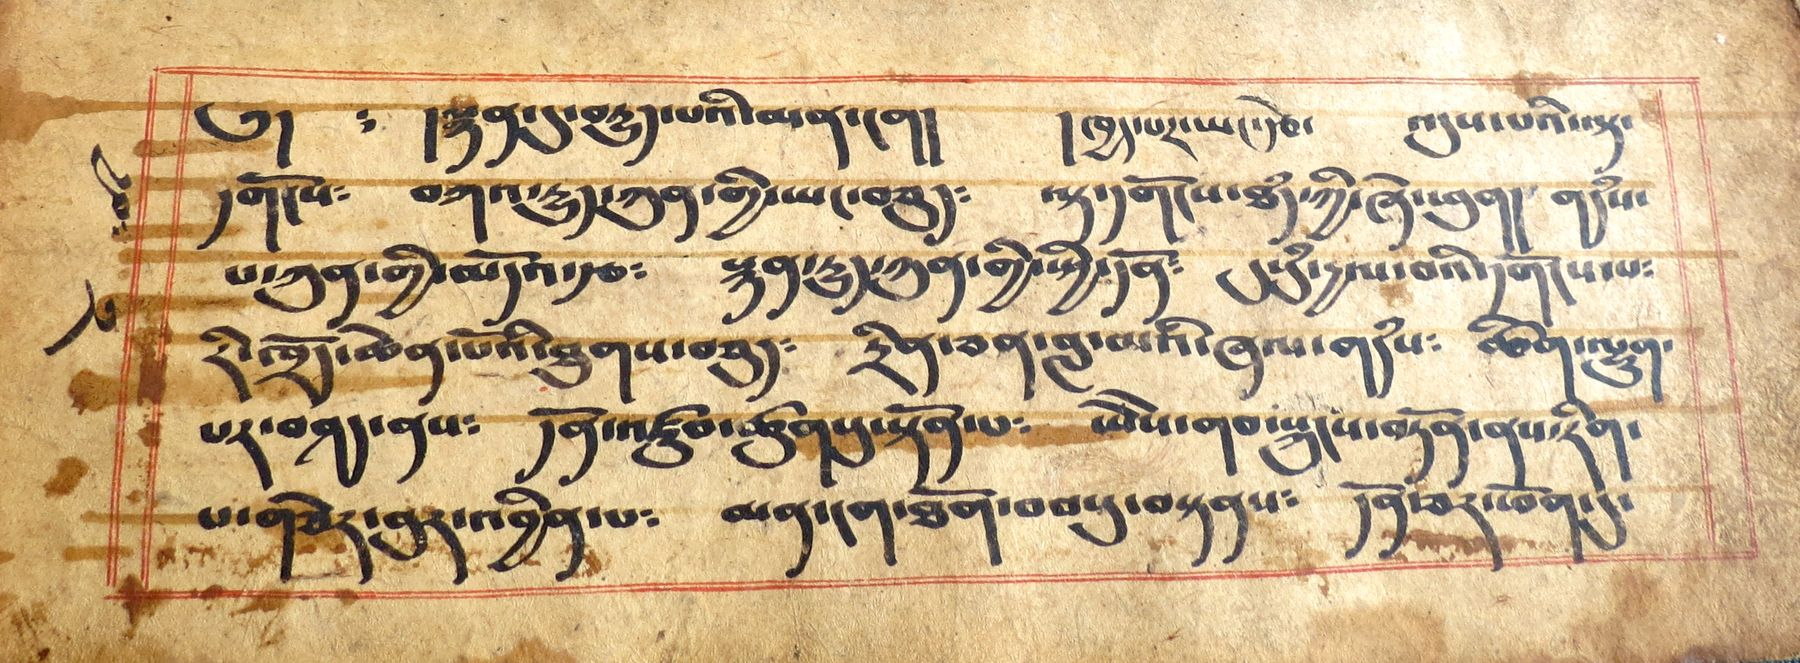སྙན་དུ་བརྒྱུད་པའི་མན་ངག ཁྱད་པར་ཡང་རྩེ། འདུས་པའི་ལྟ་
དགོངས། བཀའ་རྒྱུད་ཀུན་གྱི་ཡང་བཅུད། ལྟ་དགོངས་ཐམས་ཅད་ཀྱི་ཞེ་ཕུག གདམས་
པ་ཀུན་གྱི་མདོ་རྩ། སྙན་རྒྱུད་ཀུན་གྱི་སྤྱི་དོན། དུས་གསུམ་རྒྱལ་བའི་དགོངས་པ། 
རི་ཁྲོད་པ་ཆེན་པོའི་ཐུགས་བཅུད། དྲིན་ཅན་བླ་མའི་ཞལ་གདམས། ཚིག་ལྷུག་
པར་བཤད་ནས། དོན་མཛུབ་ཚུགས་སུ་སྟོན་པ། ཡེ་ཤེས་གབ་བསྐུངས་བཏོན་ནས། རིག་
པ་གཅེར་བུར་འབྱིན་པ། མན་ངག་ཐོག་བབས་སུ་བསྟན་ནས། དོན་ཅར་ཕོག་ཏུ་